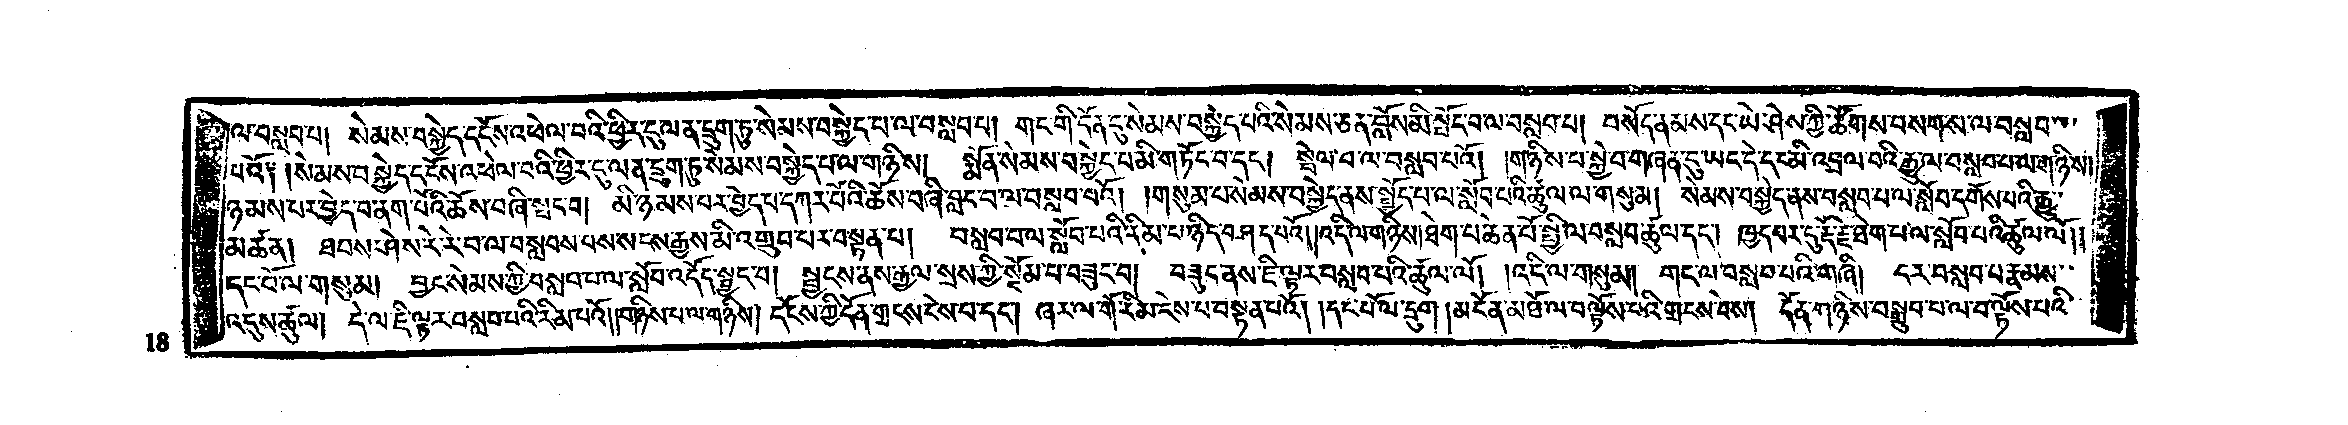ལ་བསླབ་པ། སེམས་བསྐྱེད་དངོས་འཕེལ་བའི་ཕྱིར་དུ་ལན་དྲུག་ཏུ་སེམས་བསྐྱེད་པ་ལ་བསླབ་པ། གང་གི་དོན་དུ་སེམས་བསྐྱེད་པའི་སེམས་ཅན་བློས་མི་སྤོང་བ་ལ་བསླབ་པ། བསོད་ནམས་དང་ཡེ་ཤེས་ཀྱི་ཚོགས་བསག་པ་ལ་བསླབ་
པའོ༑ །སེམས་བསྐྱེད་དངོས་འཕེལ་བའི་ཕྱིར་དུ་ལན་དྲུག་ཏུ་སེམས་བསྐྱེད་པ་ལ་གཉིས། སྨོན་སེམས་བསྐྱེད་པ་མི་གཏོང་བ་དང་། སྦེལ་བ་ལ་བསླབ་པའོ། །གཉིས་པ་སྐྱེ་བ་གཞན་དུ་ཡང་དེ་དང་མི་འབྲལ་བའི་རྒྱུ་ལ་བསླབ་པ་ལ་གཉིས།
ཉམས་པར་བྱེད་པ་ནག་པོའི་ཆོས་བཞི་སྤང་བ། མི་ཉམས་པར་བྱེད་པ་དཀར་པོའི་ཆོས་བཞི་བླང་བ་ལ་བསླབ་པའོ། །གསུམ་པ་སེམས་བསྐྱེད་ནས་སྤྱོད་པ་ལ་སློབ་པའི་ཚུལ་ལ་གསུམ། སེམས་བསྐྱེད་ནས་བསླབ་པ་ལ་སློབ་དགོས་པའི་རྒྱུ་
མཚན། ཐབས་ཤེས་རེ་རེ་བ་ལ་བསླབས་པས་སངས་རྒྱས་མི་འགྲུབ་པར་བསྟན་པ། བསླབ་པ་ལ་སློབ་པའི་རིམ་པ་ཉིད་བཤད་པའོ། །འདི་ལ་གཉིས། ཐེག་པ་ཆེན་པོ་སྤྱི་ལ་བསླབ་ཚུལ་དང་། ཁྱད་པར་དུ་རྡོ་རྗེ་ཐེག་པ་ལ་སློབ་པའི་ཚུལ་ལོ། །
དང་པོ་ལ་གསུམ། བྱང་སེམས་ཀྱི་བསླབ་པ་ལ་སློབ་འདོད་སྦྱང་བ། སྤྱངས་ནས་རྒྱལ་སྲས་ཀྱི་སྡོམ་པ་བཟུང་བ། བཟུང་ནས་ཇི་ལྟར་བསླབ་པའི་ཚུལ་ལོ། །འདི་ལ་གསུམ། གང་ལ་བསླབ་པའི་གཞི། དེར་བསླབ་པ་རྣམས་
འདུས་ཚུལ། དེ་ལ་ཇི་ལྟར་བསླབ་པའི་རིམ་པའོ། །གཉིས་པ་ལ་གཉིས། དངོས་ཀྱི་དོན་གྲངས་ངེས་པ་དང་། ཞར་ལ་གོ་རིམ་ངེས་པ་བསྟན་པའོ། །དང་པོ་ལ་དྲུག །མངོན་མཐོ་ལ་བལྟོས་པའི་གྲངས་ངེས། དོན་གཉིས་བསྒྲུབ་པ་ལ་བལྟོས་པའི་